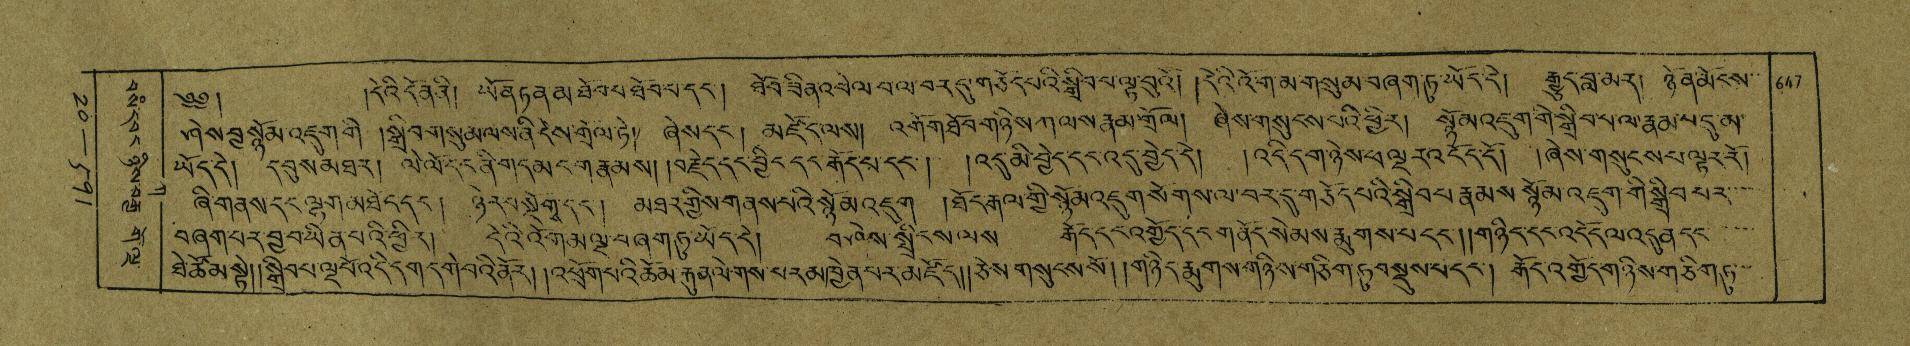༄༅། །དེའི་དོན་ནི། ཡོན་ཏན་མ་ཐོབ་པ་ཐོབ་པ་དང་། ཐོབ་ཟིན་འཕེལ་བ་ལ་བར་དུ་གཅོད་པའི་སྒྲིབ་པ་ལྟ་བུའོ། །དེའི་འོག་མ་གསུམ་བཞག་ཏུ་ཡོད་དེ། རྒྱུད་བླ་མར། ཉོན་མོངས་
ཤེས་བྱ་སྙོམ་འཇུག་གི །སྒྲིབ་གསུམ་ལས་ནི་ངེས་གྲོལ་ཏེ། ཞེས་དང་། མཛོད་ལས། འགོག་ཐོབ་གཉིས་ཀ་ལས་རྣམས་གྲོལ། ཞེས་གསུངས་པའི་ཕྱིར། སྙོམ་འཇུག་གི་སྒྲིབ་པ་ལ་རྣམ་པ་དུ་མ་
ཡོད་དེ། དབུས་མཐར། ལེ་ལོ་དང་ནི་གདམ་ངག་རྣམས། །བརྗེད་དང་བྱིང་དང་རྒོད་པ་དང་། །འདུ་མི་བྱེད་དང་འདུ་བྱེད་དེ། །འདི་དག་ཉེས་ཕ་ལྔར་འདོད་དོ། །ཞེས་གསུངས་པ་ལྟར་རོ།
ཞི་གནས་དང་ལྷག་མཐོང་དང་། ཉེར་བསྔོགས་དང་། མཐར་གྱིས་གནས་པའི་སྙོམ་འཇུག །ཐོད་རྒལ་གྱི་སྙོམ་འཇུག་སོགས་ལ་བར་དུ་གཅོད་པའི་སྒྲིབ་པ་རྣམས་སྙོམ་འཇུག་གི་སྒྲིབ་པར་
བཞག་པར་བྱ་བ་ཡིན་པའི་ཕྱིར། དེའི་འོག་མ་ལྔ་བཞག་ཏུ་ཡོད་དེ། བཤེས་སྤྲིང་ལས། རྒོད་དང་འགྱོད་དང་གནོད་སེམས་རྨུགས་པ་དང་། །གཉིད་དང་འདོད་ལ་འདུན་དང་
ཐེ་ཚོམ་སྟེ། །སྒྲིབ་པ་ལྔ་པོ་འདི་དག་དགེ་བའི་ནོར། །འཕྲོག་པའི་ཆོམ་རྐུན་ལེགས་པར་མཁྱེན་པར་མཛོད། །ཅེས་གསུངས་སོ། །གཉིད་རྨུགས་གཉིས་གཅིག་ཏུ་བསྡུས་པ་དང་། རྒོད་འགྱོད་གཉིས་གཅིག་ཏུ་